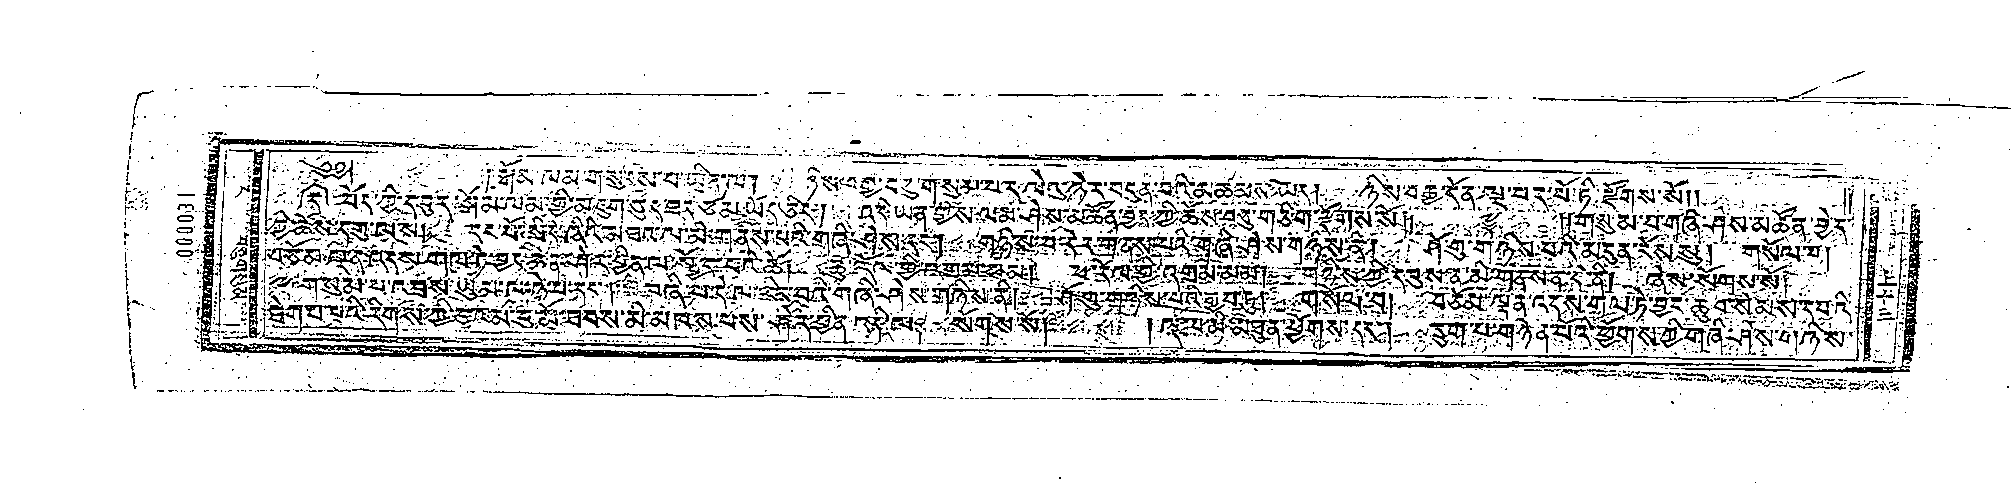༄༅། །སྒོམ་ལམ་གསུངས་པ་ཡིན་ལ། ཉིས་བརྒྱ་བཅུ་གསུམ་པར་ལེའུ་ཉེར་བདུན་བའི་མཚམས་ཡོད། ཉིས་བརྒྱ་དོན་ལྔ་པར་པོ་ཏི་རྫོགས་སོ།། །།
ད྄་པོད་ཀྱི་དབུར་སྒོམ་ལམ་གྱི་མཇུག་ཅུང་ཟད་ཙམ་ཡོད་ཅིང་། འདི་ཡན་གྱིས་ལམ་ཤེས་མཚོན་བྱེད་ཀྱི་ཆོས་བཅུ་གཅིག་རྫོགས་སོ།། ༈ །།གསུམ་པ་གཞི་ཤེས་མཚོན་བྱེད་
ཀྱི་ཆོས་དགུ་ལས། དང་པོ་སྲིད་ཞིའི་མཐའ་ལ་མི་གནས་པའི་གཞི་ཤེས་དང་། གཉིས་པ་དེར་གནས་པའི་གཞི་ཤེས་གཉིས་ནི། ཤོ་གུ་གཉིས་པའི་མདུན་ངོས་སུ། །གསོལ་པ།
བཅོམ་ལྡན་འདས་གལ་ཏེ་བྱད་ཆེན་ཤེར་ཕྱིན་ལ་སྤྱོད་པའི་ཚེ། ཆུ་རོལ་གྱི་འགྲམ་མམ། ཕ་རོལ་གྱི་འགྲམ་མམ། གཉིས་ཀྱི་དབུས་ན་མི་གནས་ན་དེ་ནི། ཞེས་སོགས་སོ།
༧་གསུམ་པ་འབྲས་ཡུམ་ལ་ཉེ་པ་དང་། བཞི་པ་དེ་ལ་རིང་བའི་གཞི་ཤེས་གཉིས་ནི། ཤོ་གུ་གཉིས་པའི་རྒྱབ་ཏུ། གསོལ་བ། བཅོམ་ལྡན་འདས་གལ་ཏེ་བྱང་ཆུབ་སེམས་དཔའི་
ཐེག་པ་པའི་རིགས་ཀྱི་བུའམ་བུ་མོ་ཐབས་མི་མཁས་པས་ཤེར་ཕྱིན་འདི་ལ། སོགས་སོ། །ལྔ་པ་མི་མཐུན་ཕྱོགས་དང་། དྲུག་པ་གཉེན་པོའི་ཕྱོགས་ཀྱི་གཞི་ཤེས་གཉིས་